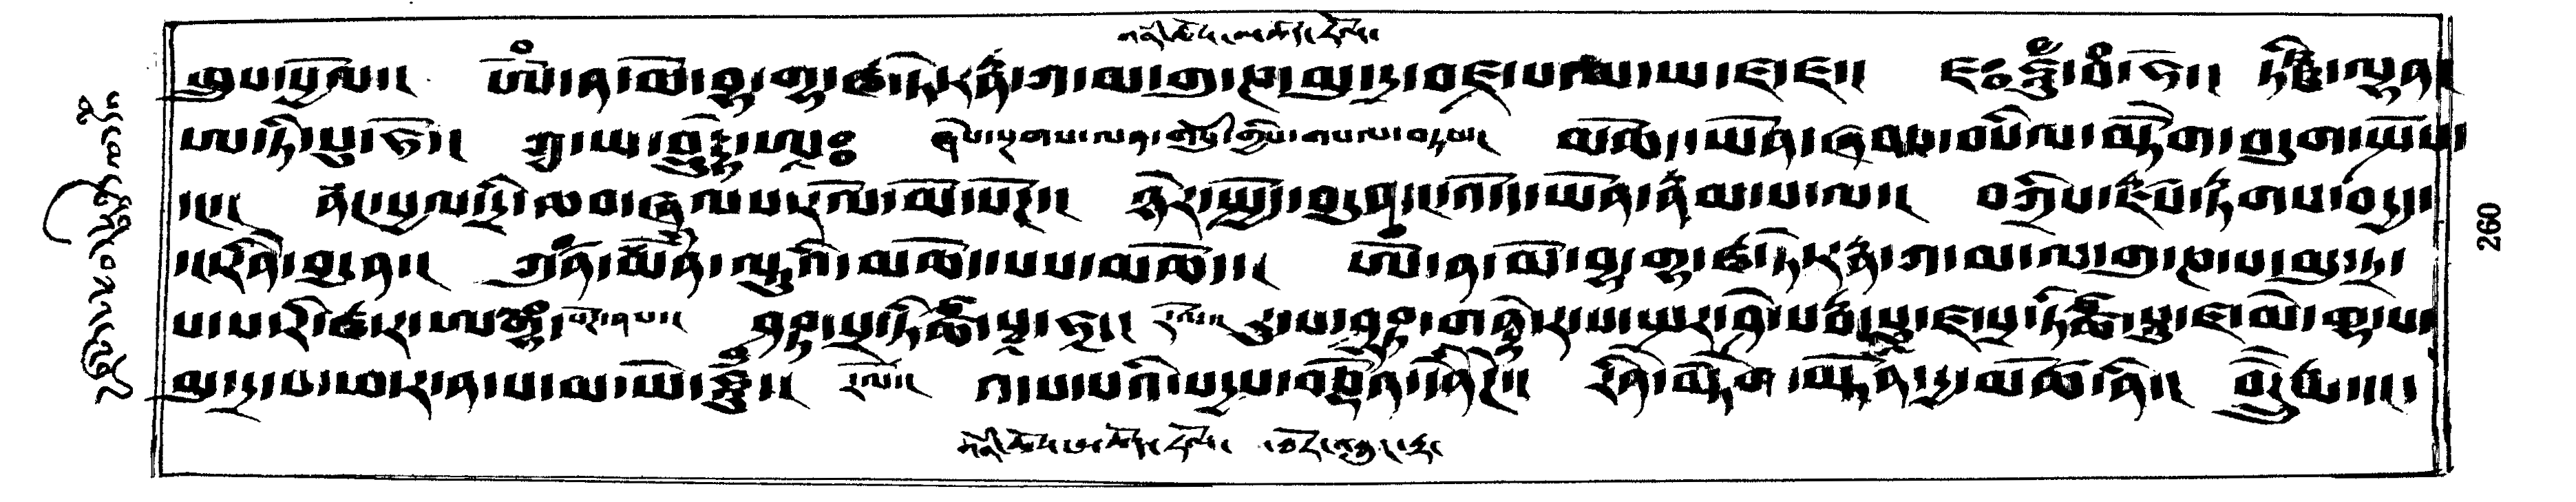ཁྲུས་གསོལ། །ཨོཾ་ན་མོ་བྷ་གྷ་ཝ་ཏེ་རཏྣ་ཀ་མ་གུ་ཎ་མུ་དྲ་བཛྲ་ས་མ་ཡ་ཛ་ཛ།ཛཿཧཱུྃ་བཾ་ཧོ། ཏིཥྛ་ལྷན་
ཨ་ཏི་པུ་ཧོ། ཀྭ་ཡ་ཤུདྡྷེ་ཨཱཿ ཞེས་སྔགས་ལན་གསུམ་གྱིས་གསལ་བཏམ། མཆོད་ཡོན་ཞབས་བསིལ་མེ་ཏོག་བདུག་སྤོས་
དང་། །སྣང་གསལ་དྲི་ཆབ་ཞལ་ཟས་རོལ་མོ་སོགས། །ཉེར་སྤྱོད་བདུན་དང་འདོད་ཡོན་རྣམ་པ་ལྔ། །བཀྲ་ཤིས་རྫས་རྟགས་བརྒྱད་
དང་རིན་ཆེན་བདུན། །ཀུནབཟང་སྨོན་ལམ་ལྟ་བུའི་མཆོད་པས་མཆོད། ཨོཾ་ན་མོ་བྷ་གྷ་ཝ་ཏེ་རཏྣ་ཀ་མ་ལ་གུ་ཎ་ས་མུ་ཏྲ་
ས་པ་རི་ཝ་ར་ཨརྒྷཾ་སོགས་ནས། ཤབྟ་པྲ་ཏིཙྪ་སྭ་ཧཱ། རུ་པ་ཤབྟ་གནྡྷེ་ར་ས་པྲ་ཤེ་སརྦ་པུ་ཛ་པྲ་ཏིཙྪ་པཱུ་ཛ་མེ་གྷ་ས་
མུ་དྲ་ས་ཕ་ར་ན་ས་མ་ཡེ་ཧཱུྃ། འདས་པའི་སངས་རྒྱས་བཅོམ་ལྡན་དེ་བཞིན་གཤེགས། །རིན་ཆེན་མེ་ཏོག་ཡོན་ཏན་རྒྱ་མཚོ་ནི། །བཻཌཱུརྻ་དང་